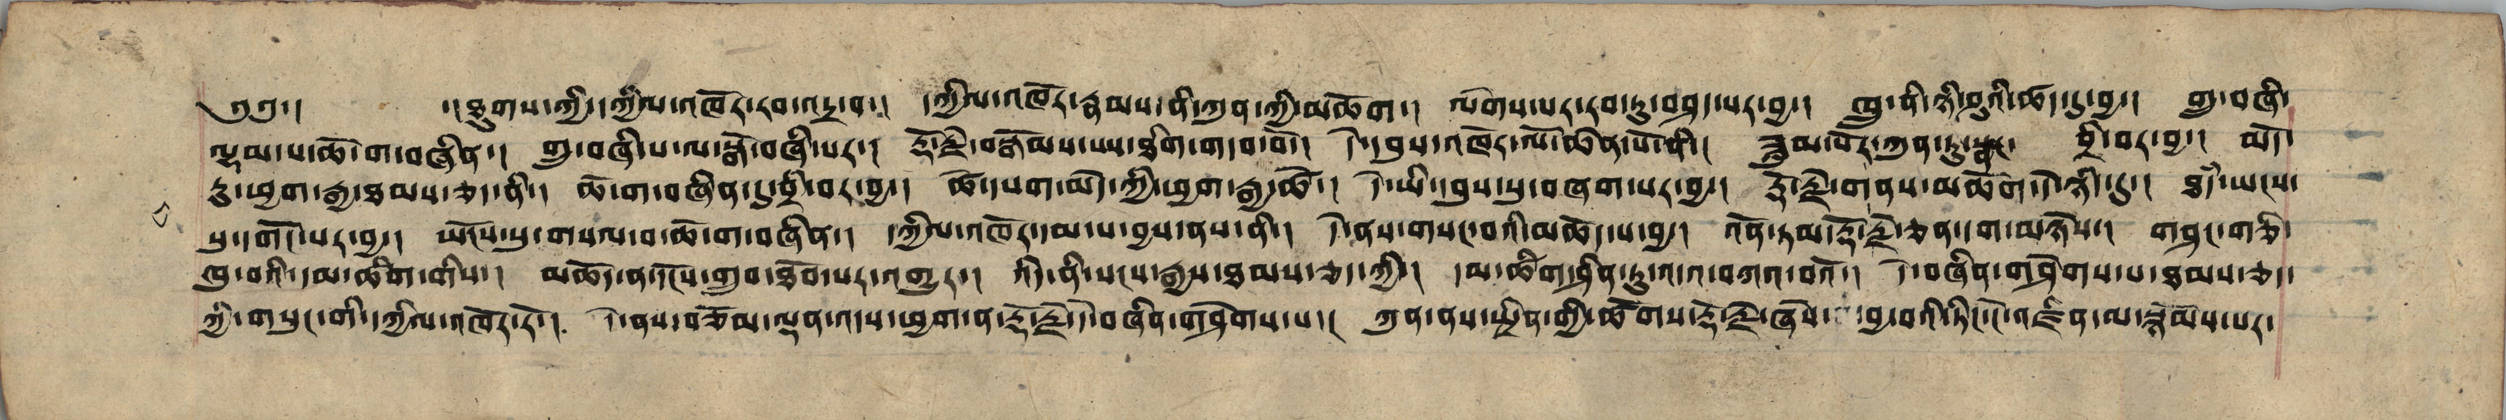༄༅་། ་།ཐུགས་ཀྱི་དཀྱིལ་འཁོར་རབ་འདྲ་བ་། དཀྱིལ་འཁོར་རྣམས་ནི་ཀུན་ཀྱི་མཆོག་། ལེགས་པར་རབ་ཏུ་བཤད་པར་བྱ་། ཁྲུ་ནི་ཉི་ཤུའི་ཚད་དུ་བྱ་། གྲུ་བཞི་
ལྷམ་པ་ཆོ་ག་བཞིན་། གྲུ་བཞི་པ་ལ་སྒོ་བཞི་པར་། རྡོ་རྗེ་བསྒོམས་པས་ཐིག་གདབ་བོ་། དེ་དབུས་འཁོར་ལོ་ཆེན་པོ་ནི་། ཟླུམ་པོར་ཀུན་ཏུ་སྣང་ བྲི་བར་བྱ་། མདོ་
ཏུ་ཕྱག་རྒྱ་ཐམས་ཅད་ནི་། ཆོ་ག་བཞིན་དུ་བྲི་བར་བྱ་། ཚེ་དཔག་མེད་ཀྱི་ཕྱག་རྒྱ་ཚེ་། དེ་ཡི་དབུས་སུ་བཞག་པར་བྱ་། རྡོ་རྗེ་གནས་མཆོག་དེ་ཉིད་དུ་། ཐདཾ་ཡངས་
སུ་གོང་པར་བྱ་། ཡོངས་སུ་གསལ་བ་ཆོ་ག་བཞིན་། དཀྱིལ་འཁོར་དམ་པ་བྱས་ནས་ནི་། དེ་ནས་གསང་བའི་མཆོད་པ་བྱ་། འོན་ཏམ་རྡོ་རྗེ་ཅན་དག་མཉེས་། གཤང་གཅི་
ཁུ་བའི་དམ་ཚིག་གིས་། མཆོད་ན་དངོས་གྲུབ་ཐོབ་པར་འགྱུར་། འདི་ནི་སདྱས་ཐམས་ཅད་ཀྱི་། དམ་ཚིག་ཤིན་ཏུ་འདའ་བཀའ་བའོ་། དེ་བཞིན་གཤེགས་པ་ཐམས་ཅད་
ཀྱི་གསུང་གི་དཀྱིལ་འཁོར་རོ་། དེ་ནས་བཅོམ་ལྡན་འདས་ཕྱག་ན་རྡོ་རྗེ་དེ་བཞིན་གཤེགས་པ་། ཀུན་ནས་སྤྲིན་གྱི་ཚོགས་རྡོ་རྗེ་ཞེས་བྱ་བའི་ཏིང་ངེ་འཛིན་ལ་སྙོམས་པར་